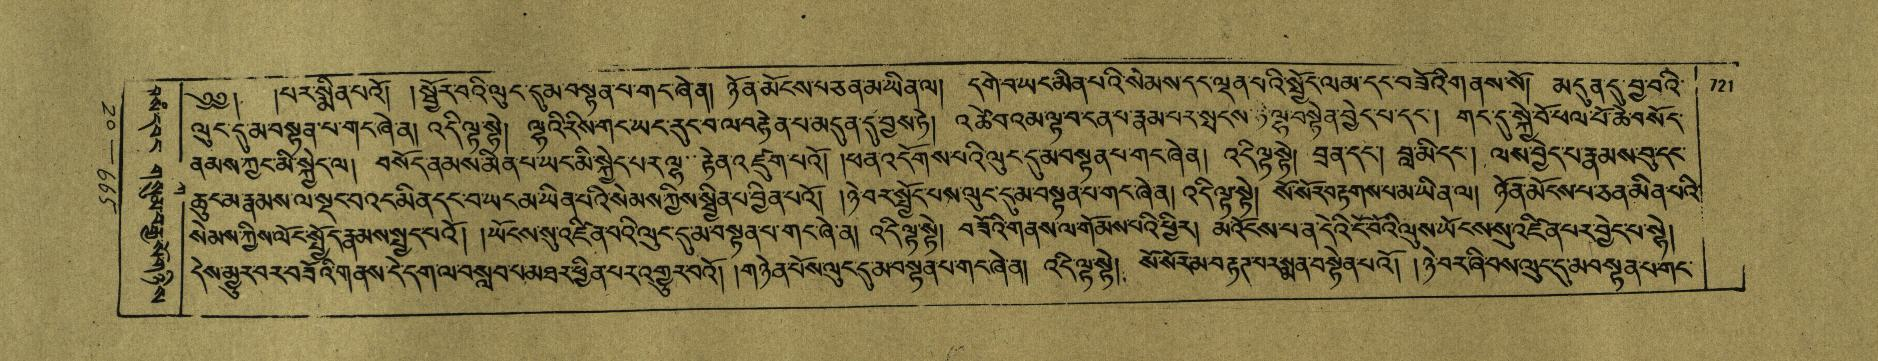༄༅། །པར་སྨིན་པའོ། །སྦྱོར་བའི་ལུང་དུམ་བསྟན་པ་གང་ཞེ་ན། ཉོན་མོངས་པ་ཅན་མ་ཡིན་ལ། དགེ་བ་ཡང་མིན་པའི་སེམས་དང་ལྡན་པའི་སྤྱོད་ལམ་དང་བཟོའི་གནས་སོ། མདུན་དུ་བྱ་བའི་
ལུང་དུ་མ་བསྟན་པ་གང་ཞེ་ན། འདི་ལྟ་སྟེ། ལྷའི་རིས་གང་ཡང་རུང་བ་ལ་བརྟེན་པ་མདུན་དུ་བྱས་ཏེ། འཚེ་བའམ་ལྟ་བ་ངན་པ་རྣམ་པར་སྤངས་ཏེ་ལྷ་བསྟེན་བྱེད་པ་དང་། གང་དུ་སྐྱེ་བོ་ཕལ་པོ་ཆེ་བསོད་
ནམས་ཀྱང་མི་སྐྱེད་ལ། བསོད་ནམས་མིན་པ་ཡང་མི་སྐྱེད་པར་ལྷ་རྟེན་འཛུག་པའོ། །ཕན་འདོགས་པའི་ལུང་དུ་མ་བསྟན་པ་གང་ཞེ་ན། འདི་ལྟ་སྟེ། བྲན་དང་། བླ་མི་དང་། ལས་བྱེད་པ་རྣམས་བུ་དང་
ཆུང་མ་རྣམས་ལ་སྡང་བའང་མིན་དང་བ་ཡང་མ་ཡིན་པའི་སེམས་ཀྱིས་སྦྱིན་པ་བྱིན་པའོ། །ཉེ་བར་སྤྱོད་པས་ལུང་དུ་མ་བསྟན་པ་གང་ཞེ་ན། འདི་ལྟ་སྟེ། སོ་སོར་བརྟགས་པ་མ་ཡིན་ལ། ཉོན་མོངས་པ་ཅན་མིན་པའི་
སེམས་ཀྱིས་ལོང་སྤྱོད་རྣམས་སྤྱད་པའོ། །ཡོངས་སུ་འཛིན་པའི་ལུང་དུ་མ་བསྟན་པ་གང་ཞེ་ན། འདི་ལྟ་སྟེ། བཟོའི་གནས་ལ་གོམས་པའི་ཕྱིར། མ་འོངས་པ་ན་དེའི་ངོ་བོའི་ལུས་ཡོངས་སུ་འཛིན་པར་བྱེད་པ་སྟེ།
དེས་མྱུར་བར་བཟོའི་གནས་དེ་དག་ལ་བསླབ་པ་མཐར་ཕྱིན་པར་འགྱུར་བའོ། །གཉེན་པོས་ལུང་དུ་མ་བསྟན་པ་གང་ཞེ་ན། འདི་ལྟ་སྟེ། སོ་སོར་མ་བརྟཌ་པར་སྨན་བསྟེན་པའོ། །ཉེ་བར་ཞི་བས་ལུང་དུ་མ་བསྟན་པ་གང་